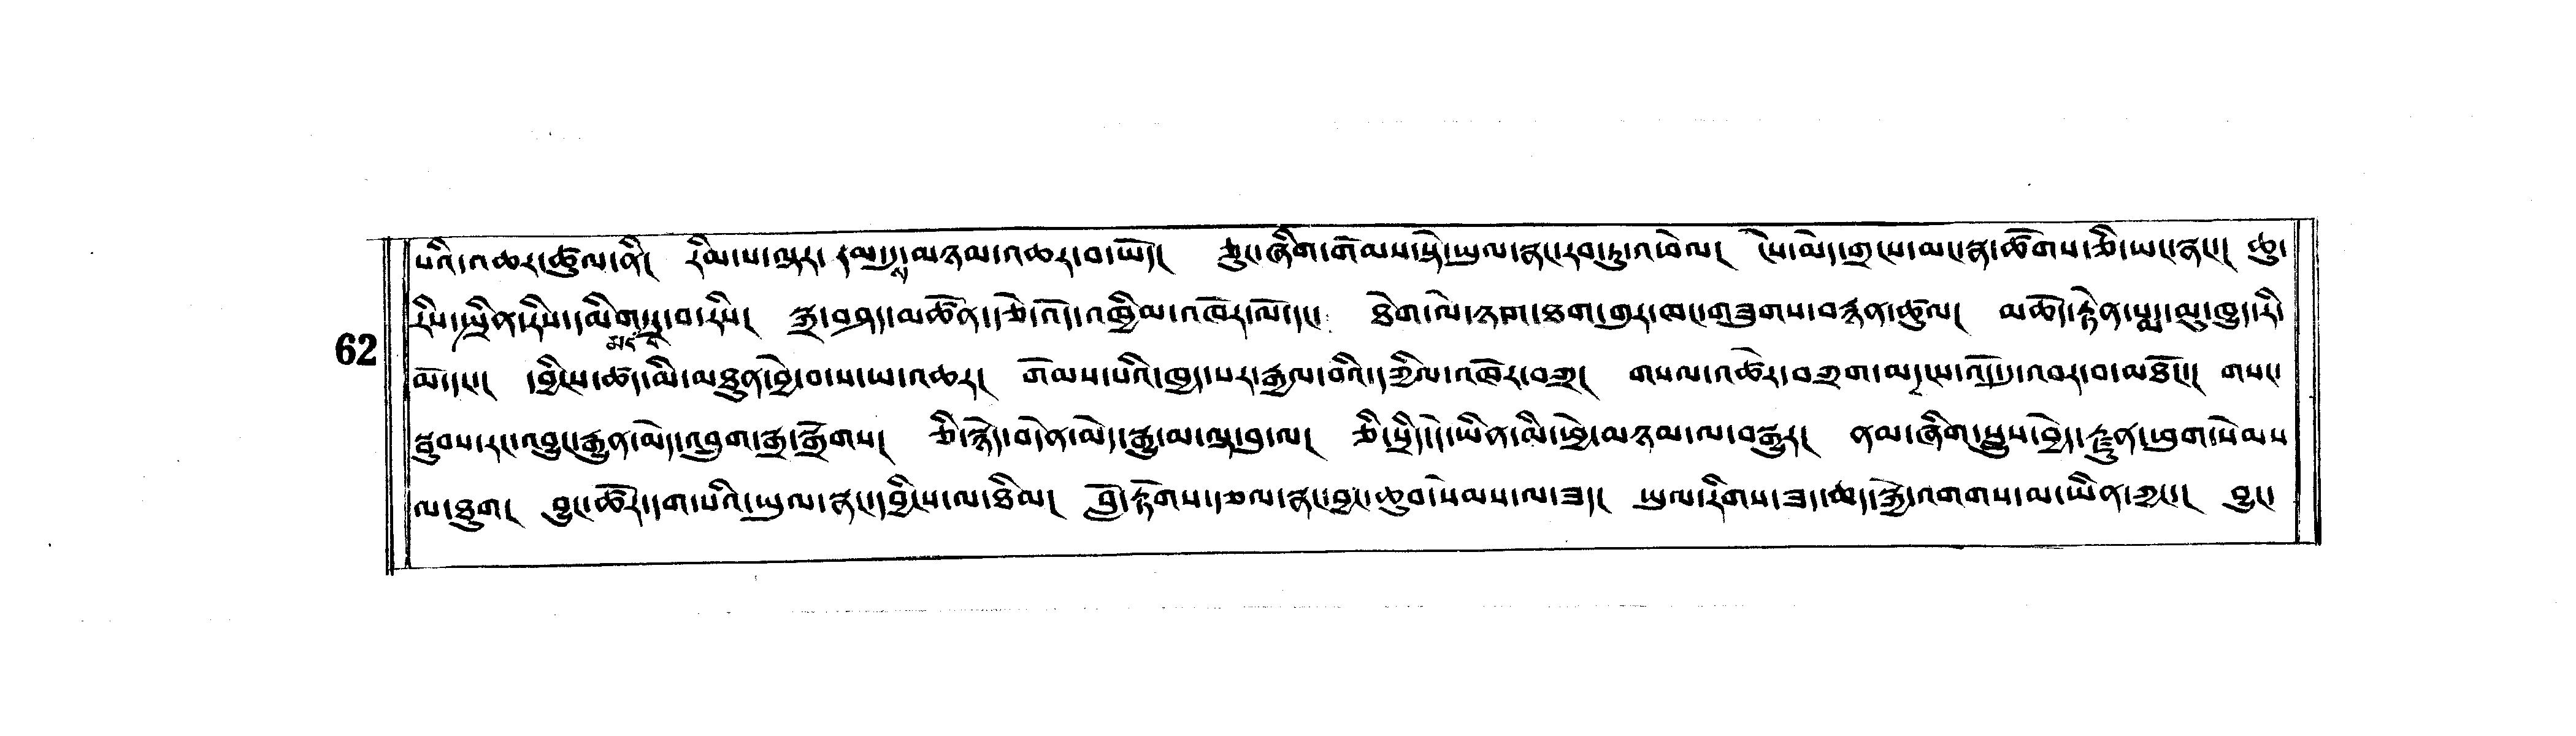པའི་འཆར་ཚུལ་ནི། རིམ་པ་ལྟར་རམ་དུས་མཉམ་འཆར་བ་ཡོད། ཅུང་ཞིག་བསྒོམ་སྟེ་ཡུལ་སྣང་རབ་ཏུ་འཕེལ། ངེས་མེད་གྲངས་མང་སྣ་ཚོགས་ཅི་ཡང་སྣང་། ཆུ་
རིས་སྤྲིན་རིས་མིག་མང་དྲྭ་བ་རིས། སྐྲ་ཤད་མཚོན་རྩེ་འོད་འཁྱིལ་འཁོར་ལོ་དང་། ཐིག་ལེ་ཉག་ཐག་གུར་ཁང་གཟུགས་བརྙན་ཚུལ། མཆོད་རྟེན་པདྨ་མུ་ཁྱུད་རི་
མོ་དང་། དབྱིངས་ཚད་མི་མཐུན་བྱེ་བ་ས་ཡ་འཆར། གོམས་པའི་ཁྱད་པར་རྒྱལ་བའི་དཀྱིལ་འཁོར་བཀྲ། གསལ་འཚེར་བཀྲག་མདངས་འོད་དུ་འབར་བ་མཐོང་། གསང་
སྦུབས་རང་འབྱུང་རྒྱུན་མེད་འབྲུག་སྒྲ་སྒྲོགས། ཅི་སྙེད་བདེན་མེད་སྒྱུ་མ་ལྟ་བུ་ལ། ཅི་སྲིད་དེ་ཡིན་མི་ཕྱེ་མཉམ་ལ་བསྒྱུར། ནམ་ཞིག་བསླུས་བྱེད་རྫུན་ཕུག་སེམས་
ལ་ཐུག བྱུང་ཚོར་དག་པའི་ཡུལ་སྣང་དབྱིངས་ལ་ཐིམ། བློ་རྟོག་རྩལ་སྣང་བྱང་ཆུབ་སེམས་ལ་ཟད། ཡུལ་རིགས་ཟད་ཆད་སྐྱེ་འགག་མ་ཡིན་ཀྱང་། བྱུང་